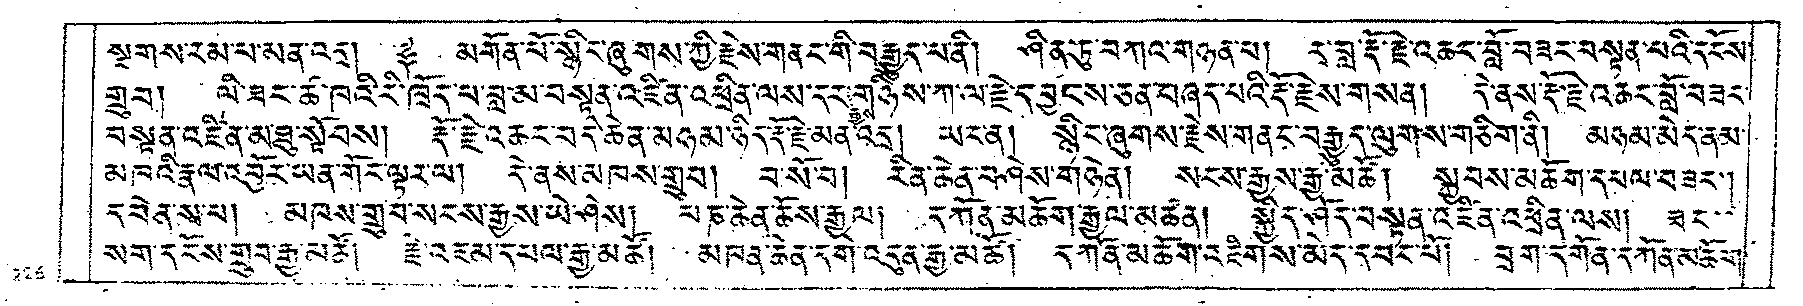སྔགས་རམ་པ་མན་འདྲ། ༈ མགོན་པོ་སྙིང་ཞུགས་ཀྱི་རྗེས་གནང་གི་བརྒྱུད་པ་ནི། ཤིན་ཏུ་བཀའ་གཉན་པ། རྭ་བླ་རྡོ་རྗེ་འཆང་བློ་བཟང་བསྟན་པའི་དངོས་
གྲུབ། ལི་ཐང་ཚ་ཁའི་རི་ཁྲོད་པ་བླ་མ་བསྟན་འཛིན་འཕྲིན་ལས་དར་རྒྱས་གཉིས་ཀ་ལ་རྗེ་དབྱངས་ཅན་བཞད་པའི་རྡོ་རྗེས་གསན། དེ་ནས་རྡོ་རྗེ་འཆང་བློ་བཟང་
བསྟན་འཛིན་མཐུ་སྟོབས། རྡོ་རྗེ་འཆང་བདེ་ཆེན་མཉམ་ཉིད་རྡོ་རྗེ་མན་འདྲ། ཡང་ན། སྙིང་ཞུགས་རྗེས་གནང་བརྒྱུད་ལུགས་གཅིག་ནི། མཉམ་མེད་ནམ་
མཁའི་རྣལ་འབྱོར་ཡན་གོང་ལྟར་ལ། དེ་ནས་མཁས་གྲུབ། བ་སོ་བ། རིན་ཆེན་བཤེས་གཉེན། སངས་རྒྱས་རྒྱ་མཚོ། སྐྱབས་མཆོག་དཔལ་བཟང་།
དབེན་ས་པ། མཁས་གྲུབ་སངས་རྒྱས་ཡེ་ཤེས། པཎ་ཆེན་ཆོས་རྒྱལ། དཀོན་མཆོག་རྒྱལ་མཚན། སྐྱིད་ཤོད་བསྟན་འཛིན་འཕྲིན་ལས། ཐང་
སག་དངོས་གྲུབ་རྒྱ་མཚོ། རྗེ་འཇམ་དཔལ་རྒྱ་མཚོ། མཁན་ཆེན་དགེ་འདུན་རྒྱ་མཚོ། དཀོན་མཆོག་འཇིགས་མེད་དབང་པོ། བྲག་དགོན་དཀོན་མཆོག་